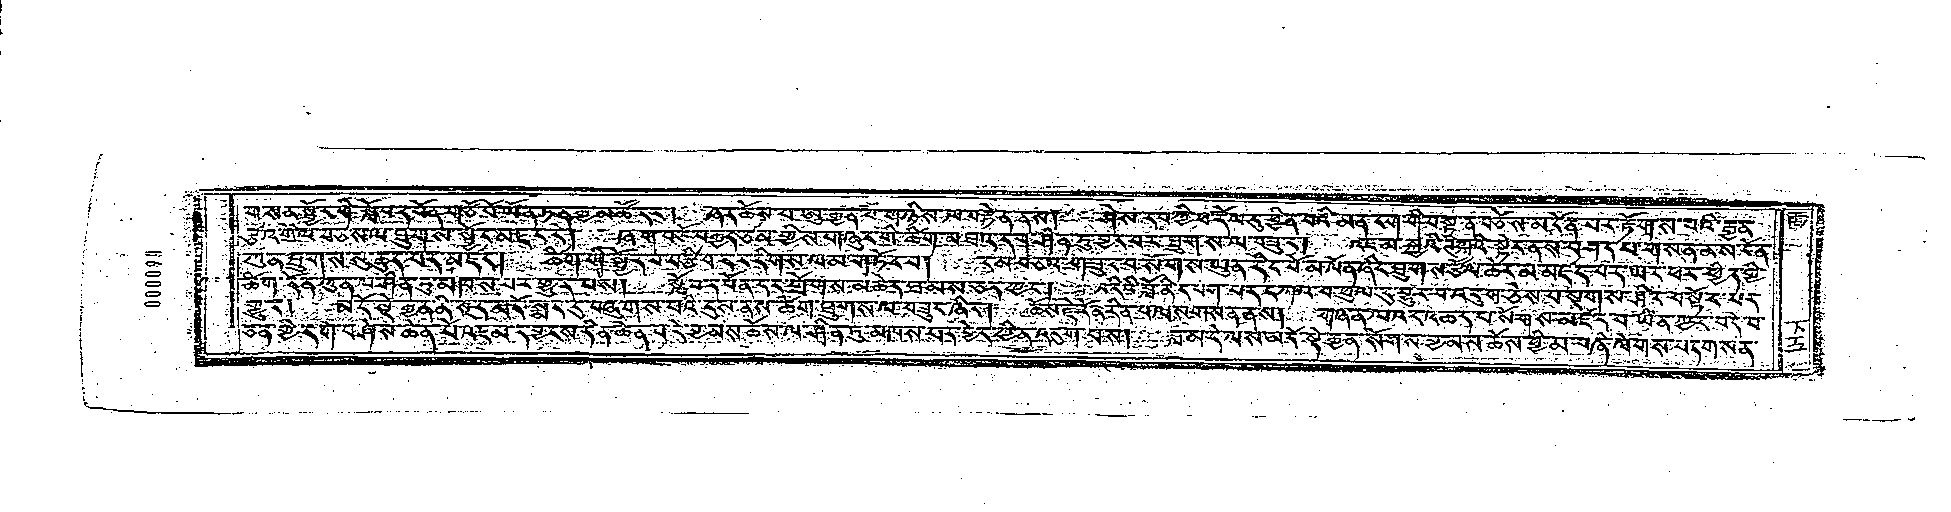གསན་སྦྱོར་གི་སློབ་དཔོན་གཙོ་བོ་ཡོན་ཏན་རྒྱ་མཚོ་དང་། ཞར་ཆོས་པ་ཨུ་རྒྱན་པ་གཉིས་ལ་བརྟེན་ནས། ཤེས་རབ་ཀྱི་ཕ་རོལ་དུ་ཕྱིན་པའི་མན་ངག་གི་བསྟན་བཅོས་མངོན་པར་རྟོགས་པའི་རྒྱན་
རྩ་འགྲེལ་བཅས་ལ་ཐུགས་སྦྱོང་མཛད་དེ། ཞག་བཅོ་བརྒྱད་ཙམ་གྱིས་གཞུང་གི་ཚིག་མཐའ་དག་ཤིན་ཏུ་བྱང་བར་ཐུགས་ལ་བཟུང་། འཇམ་སྐྱའི་ཊིཀྐའི་སྟེང་ནས་བཤད་པ་གསན་ནས་དོན་
ཀུན་ཐུགས་སུ་ཆུད་པར་མཛད། ཚིག་གི་སྦྱོར་བ་བརྩི་བ་དང་རིགས་ལམ་གཏོང་བ། དམ་བཅའ་གཟུང་བ་སོགས་ཡུན་རིང་པོ་མ་ལོན་ཞིང་ཐུགས་རྩོལ་ཆེར་མ་མཛད་པར་ཡང་ཕར་ཕྱིན་གྱི་
ཚིག་དོན་ཀུན་ལ་ཤིན་ཏུ་མཁས་པར་གྱུར་པས། སློབ་དཔོན་ད་ད་གྲོགས་མཆེད་ཐམས་ཅད་ཀྱང་། འདིའི་བློ་ནི་དཔག་པར་དཀའ་བ་ཕུལ་དུ་བྱུང་བ་འདུག་ཅེས་བསྔགས་ཤིང་བསྟོད་པར་
གྱུར། མདོ་སྡེ་རྒྱན་ནི་སྡ་ད་མདོ་སྨད་དུ་བཞུགས་པའི་དུས་ནས་ཚིག་ཐུགས་ལ་བཟུང་ཞིང་། ཆོས་རྗེ་དོན་རིན་པ་ལས་གསན་ནས། གཞན་ལའང་འཆད་པ་སོགས་མཛད་བ་ཡིན་ཀྱང་བདེ་བ་
ཅན་གྱི་དགེ་བཤེས་ཆེན་པོ་འཇམ་དབྱངས་རིན་ཆེན་པ་དེ་བྱམས་ཆོས་ལ་ཤིན་ཏུ་མཁས་པར་བྱེད་ཀྱི་ན་འདུག་པས། བླ་མ་དེ་ལས་མདོ་སྡེ་རྒྱན་སོགས་བྱམས་ཆོས་ཕྱི་མ་བཞི་ལེགས་པར་གསན་